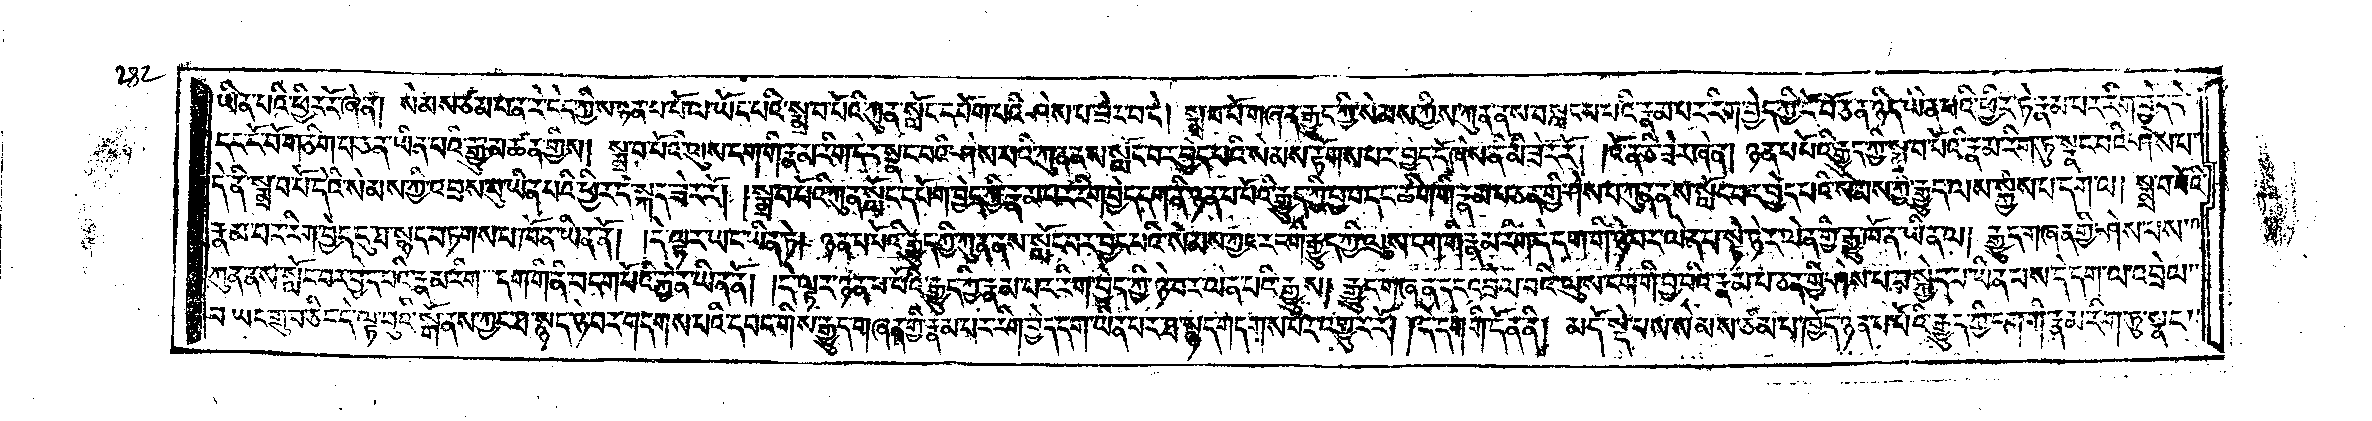ཡིན་པའི་ཕྱིར་རོ་ཞེ་ན། སེམས་ཙམ་པ་ན་རེ་ངེད་ཀྱིས་ཉན་པ་པོ་ལ་ཡོད་པའི་སྨྲ་བ་པོའི་ཀུན་སློང་དཔོག་པའི་ཤེས་པ་ཟེར་བ་དེ། སྨྲ་བ་པོ་གཞན་རྒྱུད་ཀྱི་སེམས་ཀྱིས་ཀུན་ནས་བསླངས་པའི་རྣམ་པར་རིག་བྱེད་ཀྱི་ངོ་བོ་ཅན་ཉིད་ཡིན་པའི་ཕྱིར་ཏེ་རྣམ་པར་རིག་བྱེད་དེ་
དང་ངོ་བོ་གཅིག་པ་ཅན་ཡིན་པའི་རྒྱུ་མཚན་གྱིས། སྨྲ་བ་པོའི་ལུས་ངག་གི་རྣམ་རིག་དེར་སྣང་བའི་ཤེས་པའི་ཀུན་ནས་སློང་བར་བྱེད་པའི་སེམས་རྟོགས་པར་བྱེད་དོ་ཞེས་ནི་མི་ཟེར་རོ། །འོ་ན་ཅི་ཟེར་ཞེ་ན། ཉན་པ་པོའི་རྒྱུད་ཀྱི་སྨྲ་བ་པོའི་རྣམ་རིག་ཏུ་སྣང་བའི་ཤེས་པ་
དེ་ནི་སྨྲ་བ་པོ་དེའི་སེམས་ཀྱི་འབྲས་བུ་ཡིན་པའི་ཕྱིར་དེ་སྐད་ཟེར་རོ། །སྨྲ་བ་པོའི་ཀུན་སློང་དཔོག་བྱེད་ཀྱི་རྣམ་པར་རིག་བྱེད་དག་ནི་ཉན་པ་པོའི་རྒྱུད་ཀྱི་བྱ་བ་དང་ཚིག་གི་རྣམ་པ་ཅན་གྱི་ཤེས་པ་ཀུན་ནས་སློང་བར་བྱེད་པའི་སེམས་ཀྱི་རྒྱུད་ལས་སྐྱེས་པ་དག་ལ། སྨྲ་བ་པོའི་
རྣམ་པར་རིག་བྱེད་དུ་ཐ་སྙད་བཏགས་པ་ཁོ་ན་ཡིན་ནོ། །དེ་ལྟར་ཡང་ཡིན་ཏེ། ཉན་པ་པོའི་རྒྱུད་ཀྱི་ཀུན་ནས་སློང་བར་བྱེད་པའི་སེམས་ཀྱང་རང་གི་རྒྱུད་ཀྱི་ལུས་ངག་གི་རྣམ་རིག་དེ་དག་གི་ཉེ་བར་ལེན་པ་སྟེ་ཉེར་ལེན་གྱི་རྒྱུ་ཁོ་ན་ཡིན་ལ། རྒྱུད་གཞན་གྱི་ཤེས་པས་
ཀུན་ནས་སློང་བར་བྱེད་པའི་རྣམ་རིག་དག་གི་ནི་བདག་པོའི་རྐྱེན་ཡིན་ནོ། །དེ་ལྟར་ཉན་པ་པོའི་རྒྱུད་ཀྱི་རྣམ་པར་རིག་བྱེད་ཀྱི་ཉེ་བར་ལེན་པའི་རྒྱུས། རྒྱུད་གཞན་དང་འབྲེལ་བའི་ལུས་ངག་གི་བྱ་བའི་རྣམ་པ་ཅན་གྱི་ཤེས་པ་བསྐྱེད་པ་ཡིན་པས་དེ་དག་ལ་འབྲེལ་
བ་ཡང་གྲུབ་ཅིང་དེ་ལྟ་བུའི་སྒོ་ནས་ཀྱང་ཐ་སྙད་ཉེ་བར་གདགས་པའི་དབང་གིས་རྒྱུད་གཞན་གྱི་རྣམ་པར་རིག་བྱེད་དག་ཡིན་པར་ཐ་སྙད་གདགས་པར་འགྱུར་རོ། །དེ་དག་གི་དོན་ནི། མདོ་སྡེ་པས་སེམས་ཙམ་པ་ཁྱོད་ཉན་པ་པོའི་རྒྱུད་ཀྱི་ངག་གི་རྣམ་རིག་ཏུ་སྣང་